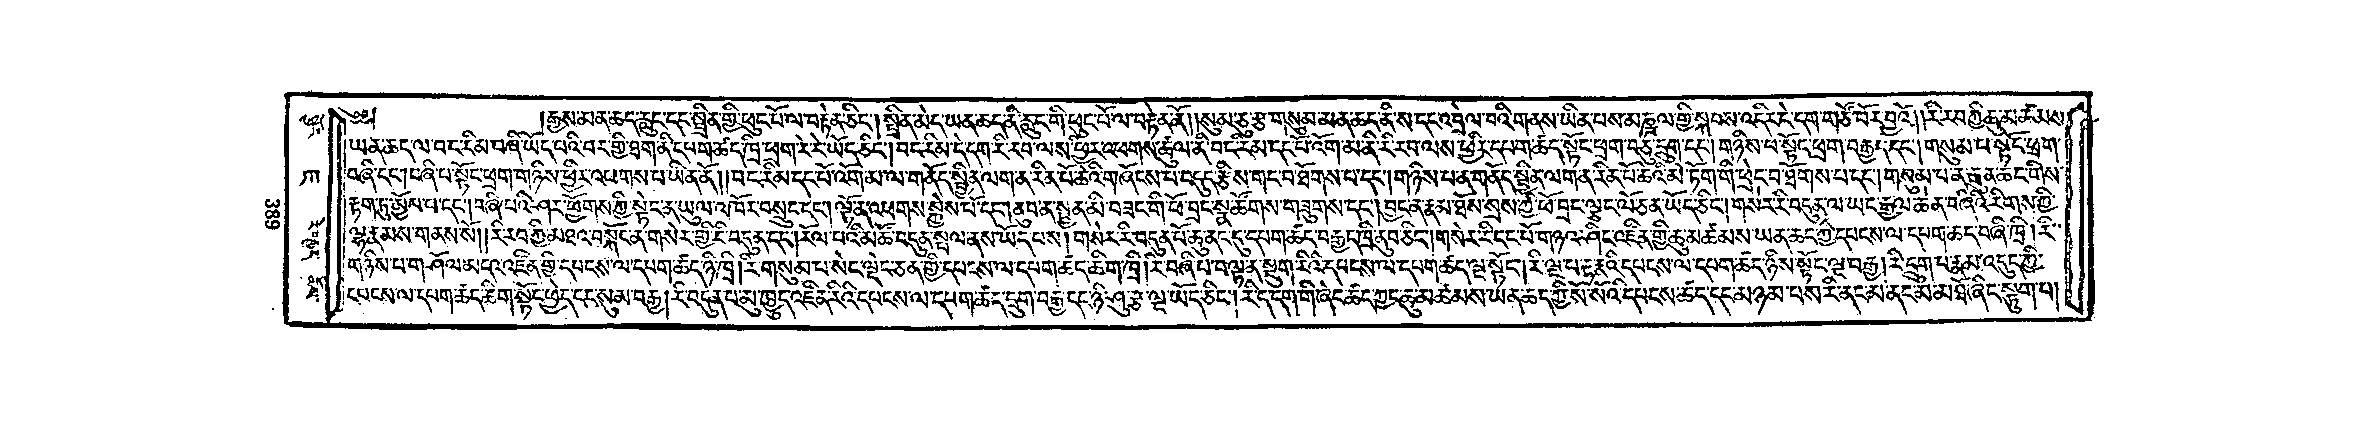༄༅། །རྒྱས་མན་ཆད་རླུང་དང་སྤྲིན་གྱི་ཕུང་པོ་ལ་བརྟེན་ཅིང་། སྤྲིན་མེད་ཡན་ཆད་ནི་རླུང་གི་ཕུང་པོ་ལ་བརྟེན་ནོ། །སུམ་ཅུ་རྩ་གསུམ་མན་ཆད་ནི་ས་དང་འབྲེལ་བའི་གནས་ཡིན་པས་མཎྜལ་གྱི་སྐབས་འདིར་དེ་དག་གཙོ་བོར་བྱའོ། །རི་རབ་ཀྱི་ཆུ་མཚམས་
ཡན་ཆད་ལ་བང་རིམ་བཞི་ཡོད་པའི་བར་གྱི་ཐག་ནི་དཔག་ཚད་ཁྲི་ཕྲག་རེ་རེ་ཡོད་ཅིང་། བང་རིམ་དེ་དག་རི་རབ་ལས་ཕྱིར་འཕགས་ཚུལ་ནི་བང་རིམ་དང་པོ་འོག་མ་ནི་རི་རབ་ལས་ཕྱིར་དཔག་ཚད་སྟོང་ཕྲག་བཅུ་དྲུག་དང་། གཉིས་པ་སྟོང་ཕྲག་བརྒྱད་དང་། གསུམ་པ་སྟོང་ཕྲག་
བཞི་དང་། བཞི་པ་སྟོང་ཕྲག་གཉིས་ཕྱིར་འཕགས་པ་ཡིན་ནོ། །བང་རིམ་དང་པོ་འོག་མ་ལ་གནོད་སྦྱིན་ལག་ན་རིན་པོ་ཆེའི་གཞོངས་པ་བདུད་རྩིས་གང་བ་ཐོགས་པ་དང་། གཉིས་པ་ན་གནོད་སྦྱིན་ལག་ན་རིན་པོ་ཆེའི་མེ་ཏོག་གི་ཕྲེང་བ་ཐོགས་པ་དང་། གསུམ་པ་ན་རྒུན་ཆང་གིས་
རྟག་ཏུ་མྱོས་པ་དང་། བཞི་བའི་ཤར་ཕྱོགས་ཀྱི་སྟེང་ན་ཡུལ་འཁོར་བསྲུང་དང་། ལྟོ་ན་འཕགས་སྐྱེས་པོ་དང་། ནུབ་ན་སྤྱན་མི་བཟང་གི་ཕོ་བྲང་སྣ་ཚོགས་གཟུགས་དང་། བྱང་ན་རྣམ་ཐོས་སྲས་ཀྱི་ཕོ་བྲང་ལྕང་ལོ་ཅན་ཡོད་ཅིང་། གསེར་རི་བདུན་ལ་ཡང་རྒྱལ་ཆེན་བཞིའི་རིགས་ཀྱི་
ལྷ་རྣམས་གནས་སོ། །རི་རབ་ཀྱི་མཐའ་བསྐོང་ན་གསེར་གྱི་རི་བདུན་དང་། རོལ་བའི་མཚོ་བདུན་སྤལ་ནས་ཡོད་པས། གསེར་རི་བདུན་པོ་ཆུ་ནང་དུ་དཔག་ཚད་བརྒྱད་ཁྲི་ནུབ་ཅིང་། གསེར་རི་དང་པོ་གཉའ་ཤིང་འཛིན་གྱི་ཆུ་མཚམས་ཡན་ཆད་ཀྱི་དཔངས་ལ་དཔག་ཆད་བཞི་ཁྲི། རི་
གཉིས་པ་གཤོལ་མདའ་འཛིན་གྱི་དཔངས་ལ་དཔག་ཚད་ཉི་ཁྲི། རི་གསུམ་པ་སེང་ལྡེང་ཅན་གྱི་དཔངས་ལ་དཔག་ཚད་ཆིག་ཁྲི། རི་བཞི་པ་བལྟ་ན་སྡུག་རིའི་དཔངས་ལ་དཔག་ཚད་ལྔ་སྟོང་། རི་ལྔ་པ་རྟ་རྣའི་དཔངས་ལ་དཔག་ཚད་ཉིས་སྟོང་ལྔ་བརྒྱ། རི་དྲུག་པ་རྣམས་འདུད་ཀྱི་
དཔངས་ལ་དཔག་ཚད་ཆིག་སྟོང་ཕྱེད་དང་སུམ་བརྒྱ། རི་བདུན་པ་མུ་ཁྱུད་འཛིན་རིའི་དཔངས་ལ་དཔག་ཚད་དྲུག་བརྒྱ་དང་ཉི་ཤུ་རྩ་ལྔ་ཡོད་ཅིང་། རི་ད་དག་གི་ཞེང་ཚད་ཀྱང་ཆུ་མཚམས་ཡན་ཆད་ཀྱི་སོ་སོའི་དཔངས་ཚད་དང་མཉམ་པས་རི་ནང་མ་ནང་མ་མཐོ་ཞིང་སྟུག་པ།